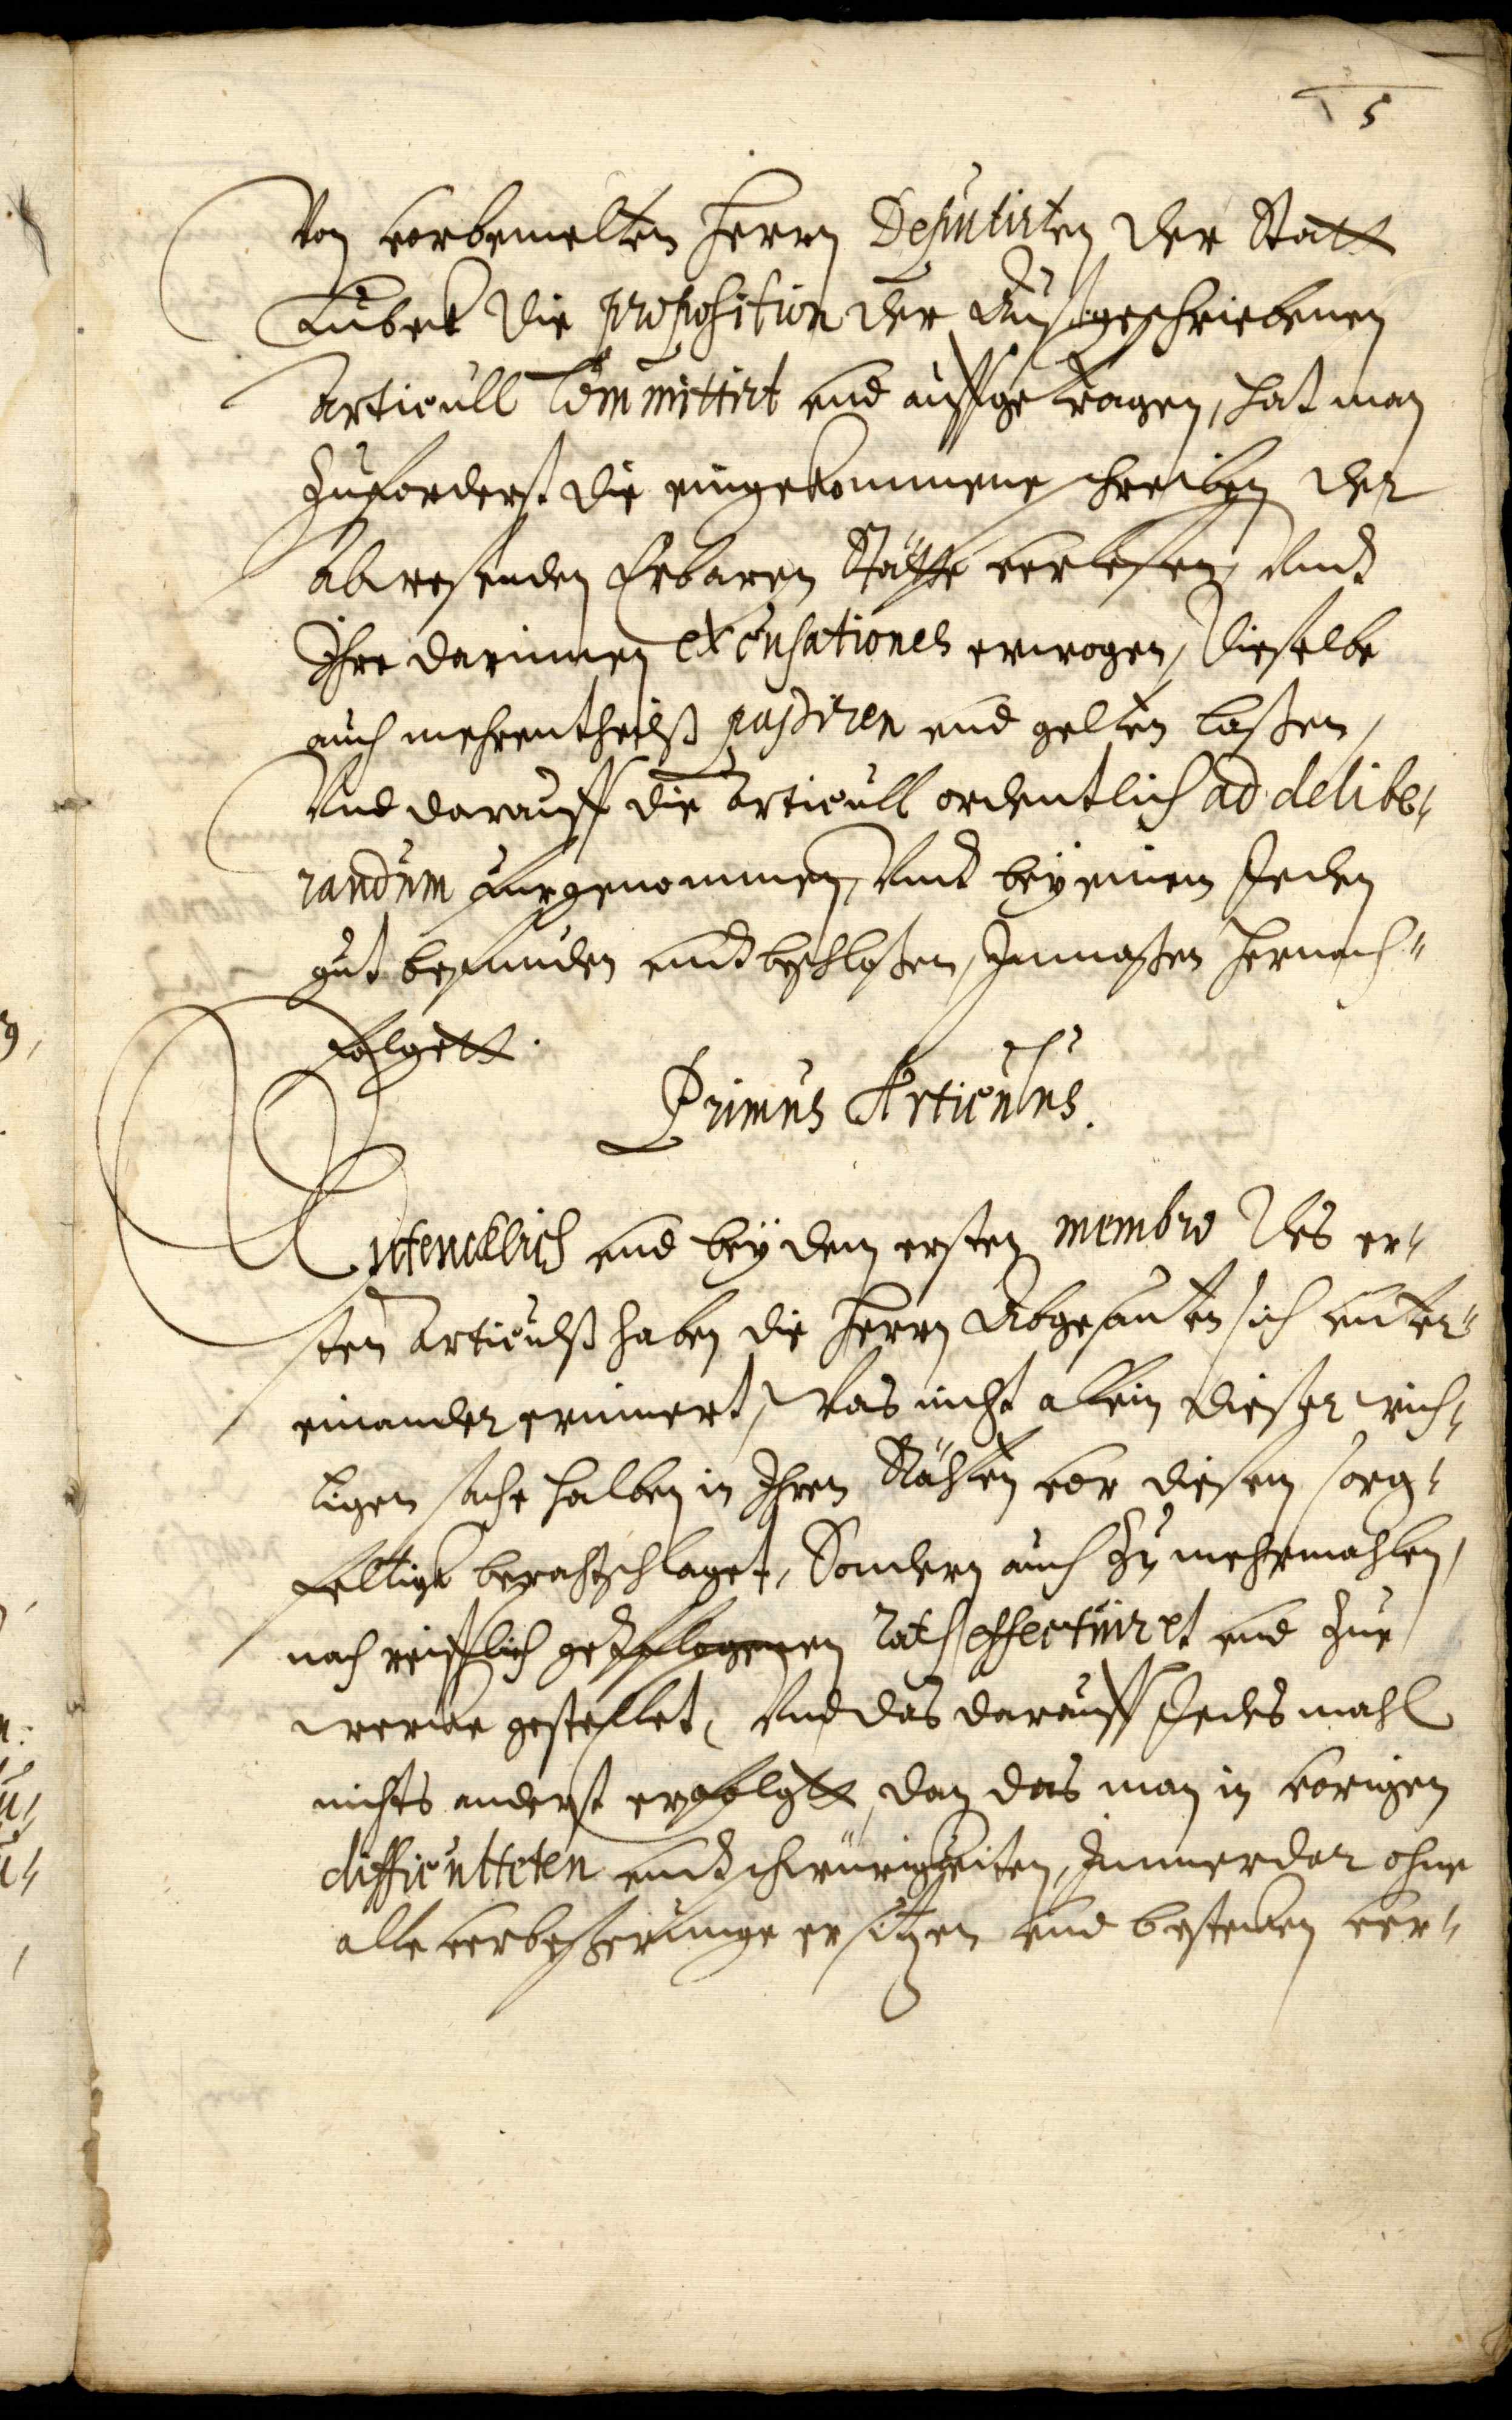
5
Von vorbemelten herrn Deputirten der Statt
Lubeck die proposition der Außgeschriebenen
articull Committirt vnd auffgetragen, hat man
Zuforderst die eingekommene schreiben der
abwesenden Erbaren Stätte verlesen vndt
Ihre darinnen excusationes erwogen, dieselbe
auch mehrentheils passiren vnd gelten laßen,
Vnd darauff die articull ordentlich ad delibe¬
randum furgenommen, Vndt beij einem Ieden
gut befunden vnd beschloßen, Inmaßen hernach¬
folgett.
Primus Articulus.
Anfencklich und beij dem ersten membro des er¬
sten articulß haben die herrn Abgesanten sich vnter¬
einander erinnert, Was nicht allein dieser wich¬
tigen sache halben in Ihren Stähten vor diesem sorg¬
feltigk berahtschlaget, Sondern auch Zu mehrmahlen,
nach reichlich gePflogenem rath effectuiret vnd Zue
wercke gestellet, Vnddas darauff Iedes mahl
nichts anderst erfolgtt, dan das man in vorigen
difficulteten vndt schwürigkeiten, Immerdar ohne
alle verbeßerunge ersitzen vnd bestehen ver¬
